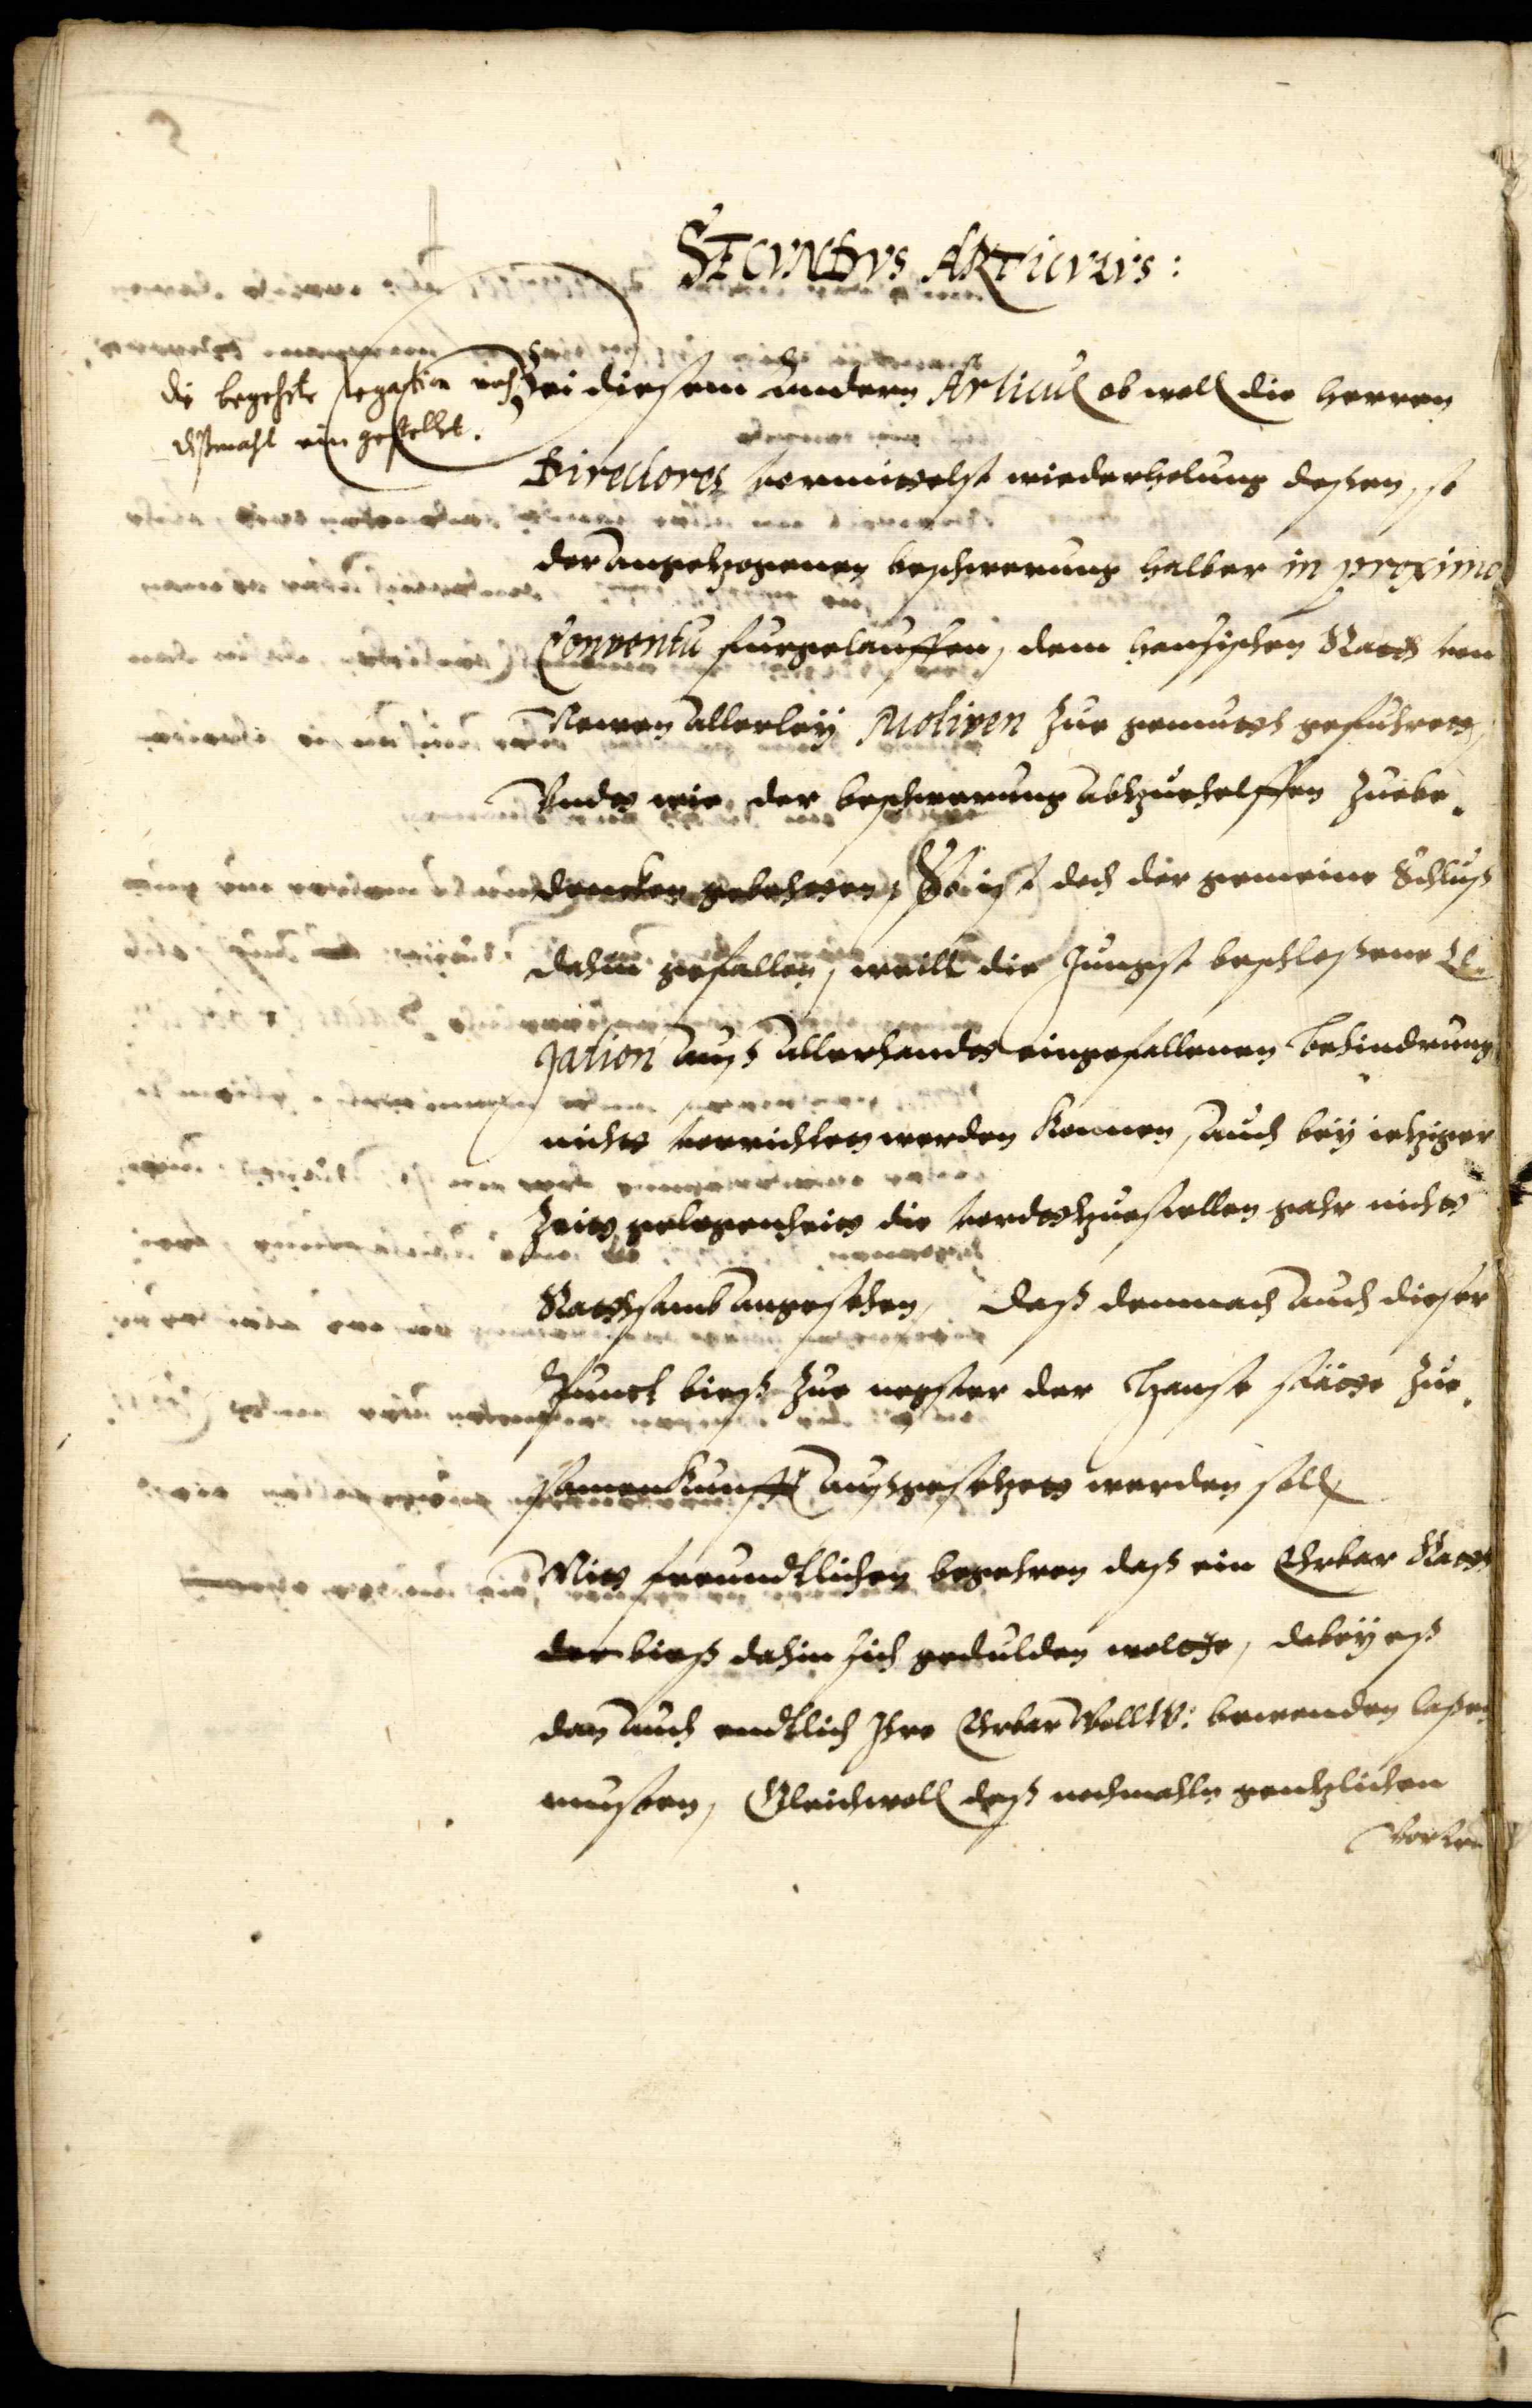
die begehrte legation noch
dißmahl ein gestellet.
SECVNDUS ARTICVLVS:
Bei diesem Andern Articul obwoll die herren
Directores vermittelst wiederholung deßen, so
der Angetzogenen beschwerung halber in proximo
Conventu furgelauffen, dem hansischen Ratth von
Newen Allerleij Motiven zue gemutth gefuhrett,
Vndtt wie der beschwerung Abtzuehelffen zuebe¬
dencken gebohtten, So ist doch der gemeine Schluß
dahin gefallen, weill die Jungst beschloßene Le¬
gation Auß Allerhandtt eingefallenen behindrung
nichtt verrichtett werden konnen, Auch beij ietziger
Zeitt gelegenheitt die vordtttzuestellen gahr nichtt
Ratthsamb angesehen, daß demnach Auch dieser
Punct bieß zue negster der Hanse stätte zue¬
samenkunftt Außgesetzett werden soll,
Mitt freundtlichen begehren daß ein Ehrbar Ratth
der bieß dahin sich gedulden woltte, dabeij eß
dan Auch endtlich Ihre Ehrbar WollW: bewenden laßen
mußen, Gleichwoll daß nochmahln gentzlichen
Worten
